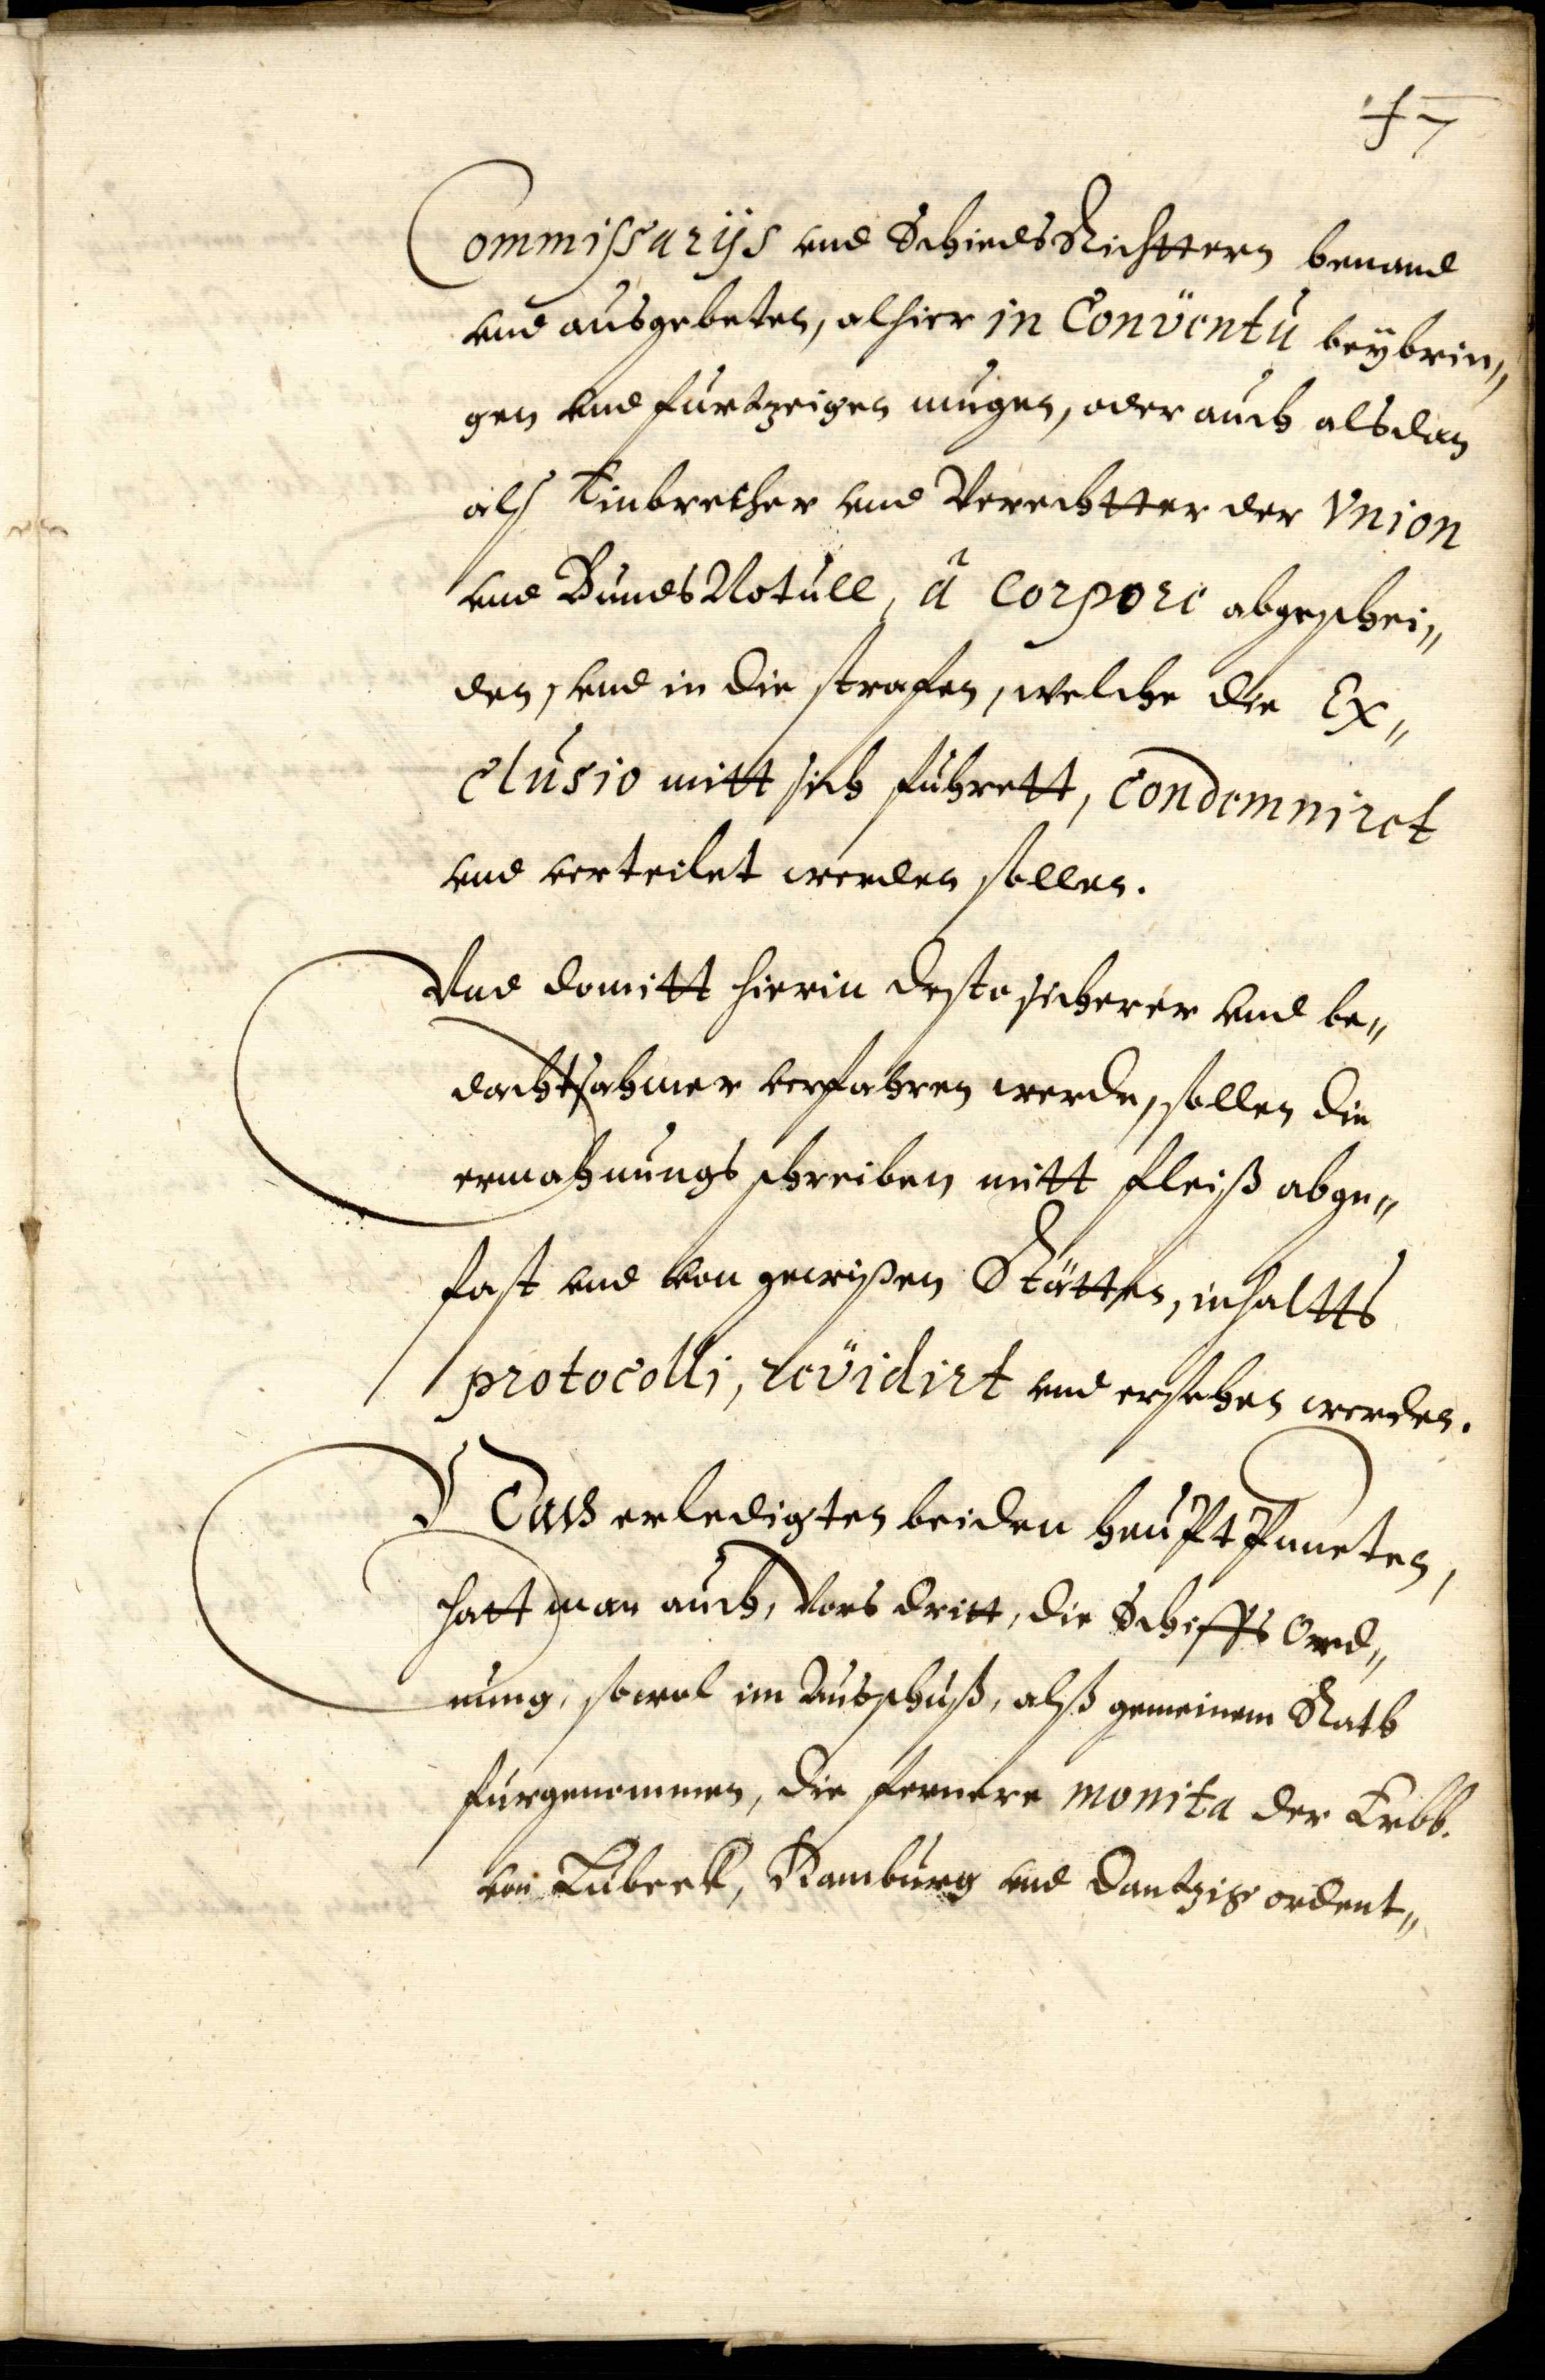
f 7
Commissarijs vnd Schieds Richttern benand
vnd ausgebeten, alhier in Conventu beijbrin¬
gen vnd furtzeigen mugen, oder auch alsdan
als Einbrecher vnd Verechtter der Vnion
vnd Bunds Notull, â corpore abgeschei¬
den, vnd in die strafen, welche die Ex¬
clusio mitt sich fuhrett, condemniret
vnd verteilet werden sollen.
Vnd domitt hierin desto sicherer vnd be¬
dachtsahmer verfahren werde, sollen die
ermahnungs schreiben mitt fleiß abge¬
fast vnd von gewißen Stätten, inhaltts
protocolli, revidirt vnd ersehen werden.
Nach erledigten beiden heuptpuncten,
hatt man auch, vors dritt, die Schiffs Ord¬
nung, sowol im Ausschuß, alß gemeinem Rath
furgenommen, die fernere monita der Erbb.
von Lubeck, Hamburg vnd Dantzig ordent¬
